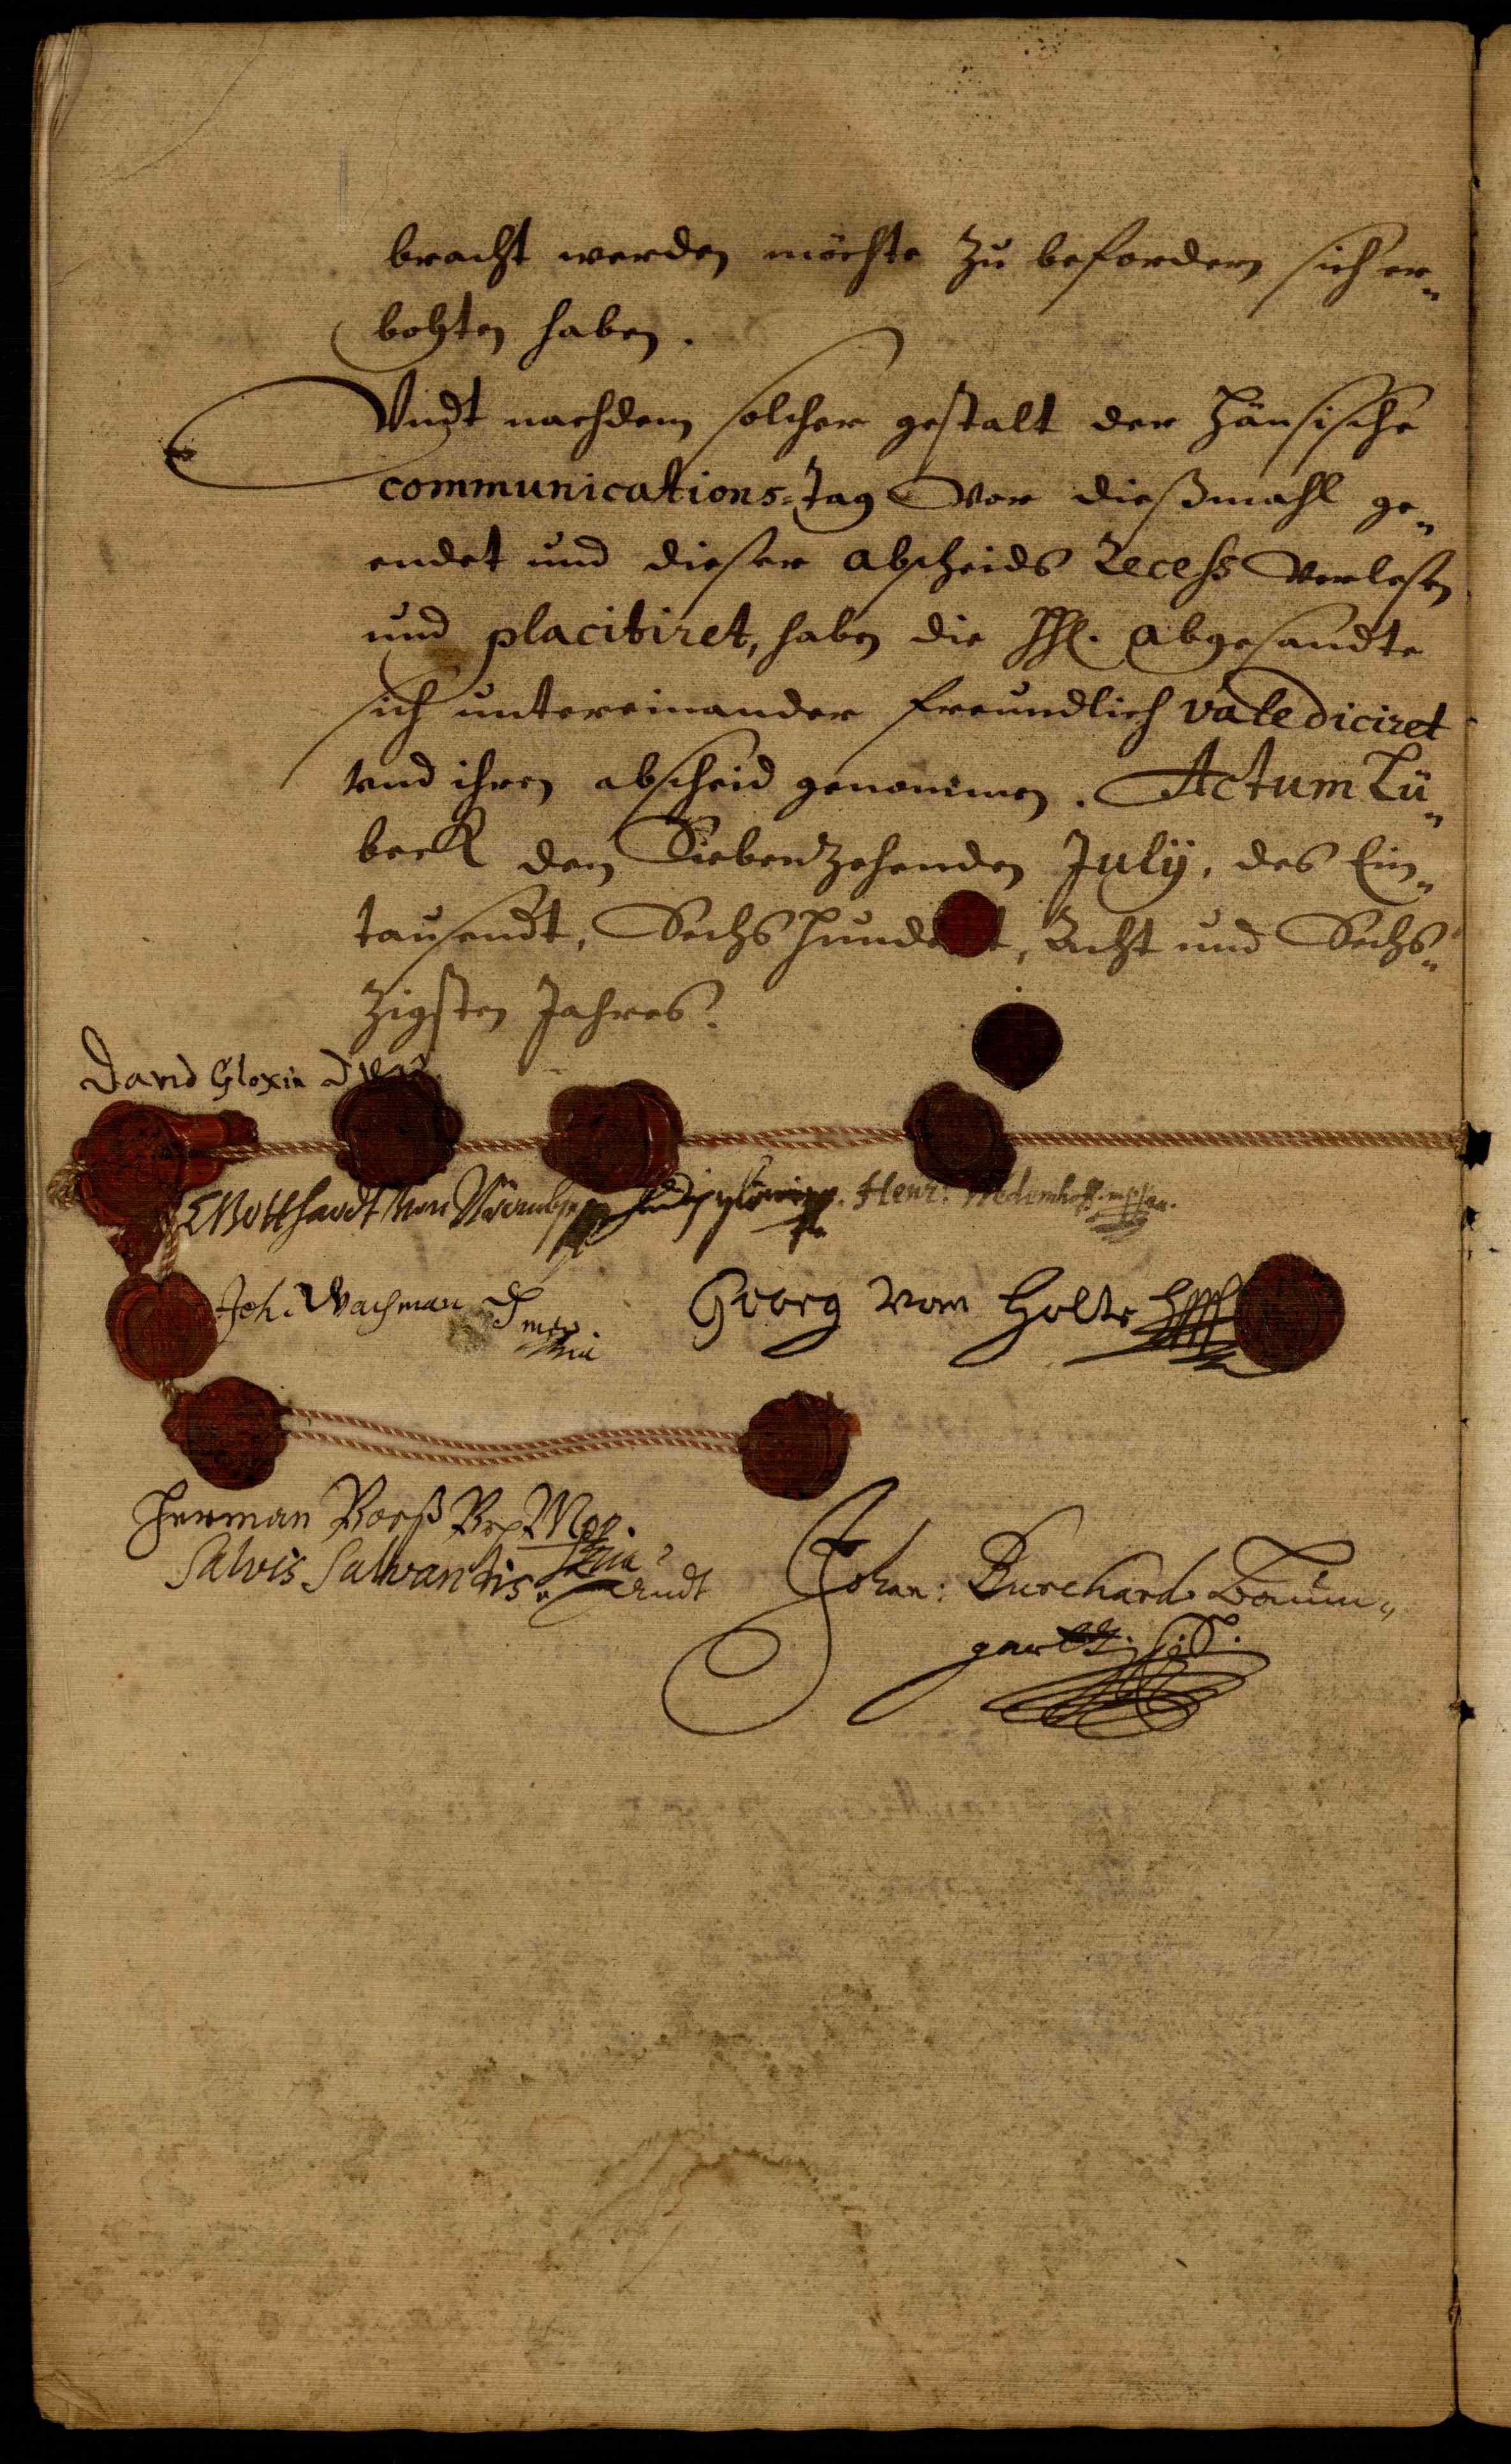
bracht werden möchte zu befordern sich er¬
bohten haben.
Vndt nachdem solcher gestalt der Hänsische
communications=tag vor dießmahl ge¬
endet und dieser Abscheids Recess vorlesen
und placitiret, haben die hhl. Abgesandte
sich untereinander freundlich valediciret
und ihren abscheid genommen. Actum Lü¬
beck den Siebenzehenden Julij, des Ein¬
tausendt, Sechshundert, Acht und Sechs¬
zigsten Jahres.
David Gloxin dierz
Gotthardt von Brömbse, Heinrich Plönnies. Henr: Wedemhoff. mpfan.
Joh. Wachman s mtv.nu
Georg vom Holte Hfff
Herman Boeß Brg Mpp.
Trua ?
salvis salvandis drndt
Johan: Burchard Baum¬
gartten fd
